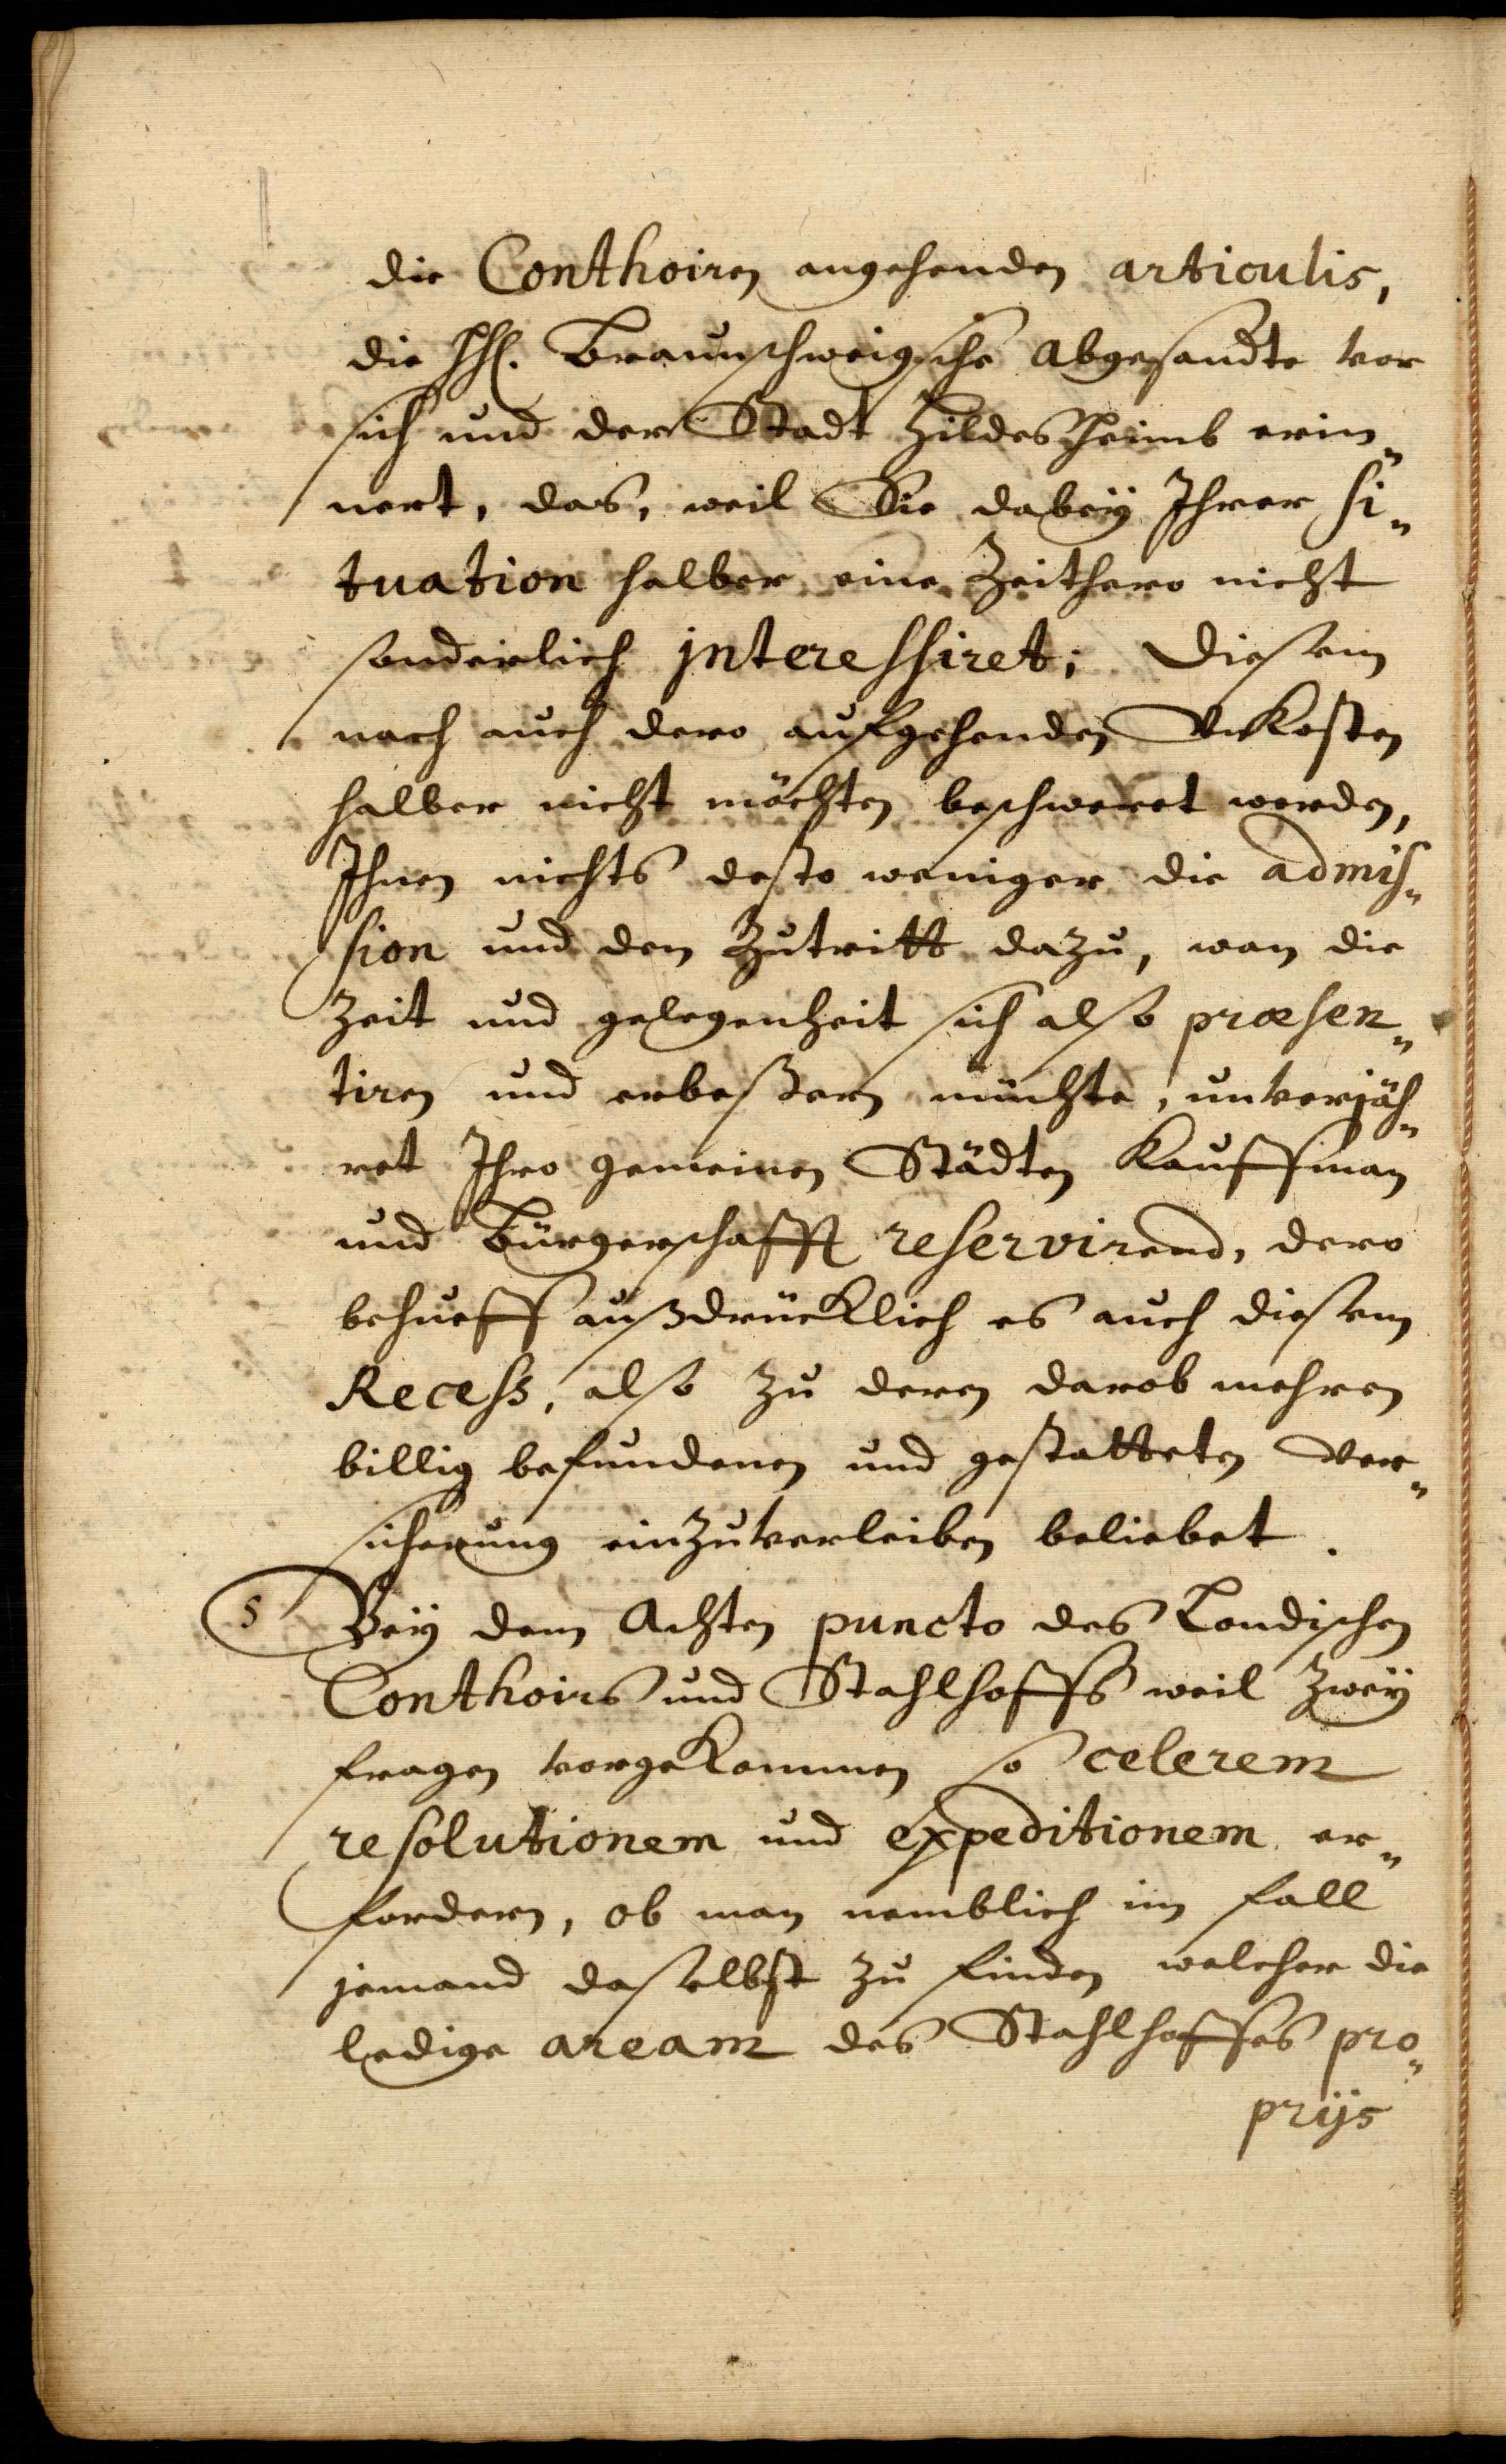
die Conthoiren angehenden articulis,
die HHl. Braunschweigsche abgesandte vor
sich und der Stadt Hildesheimb erin¬
nert, das, weil Sie dabeij Ihrer si¬
tuation halber eine Zeithero nicht
sonderlich interessiret; diesem
nach auch dero aufgehenden Vnkosten
halber nicht möchten beschweret worden,
Ihnen nichts desto weniger die admis¬
sion und den Zutritt dazu, wan die
Zeit und gelegenheit sich also praesen¬
tiren und erbeßern müchte, unverjäh¬
ret Ihro gemeinen Städten Kauffman
und Bürgerschafft reservirend, dero
behueff außdrücklich es auch diesem
Recess, also zu deren darob mehren
billig befundenen und gestatteten ver¬
sicherung einzuverleiben beliebet.
Beij dem Achten puncto des Londischen
Conthoirs und Stahlhoffs weil zweij
fragen vorgekommen so celerem
resolutionem und expeditionem er¬
fordern, ob man nemblich im fall
jemand daselbst zu finden welcher die
ledige aream das Stahlhoffes pro¬
prijs
